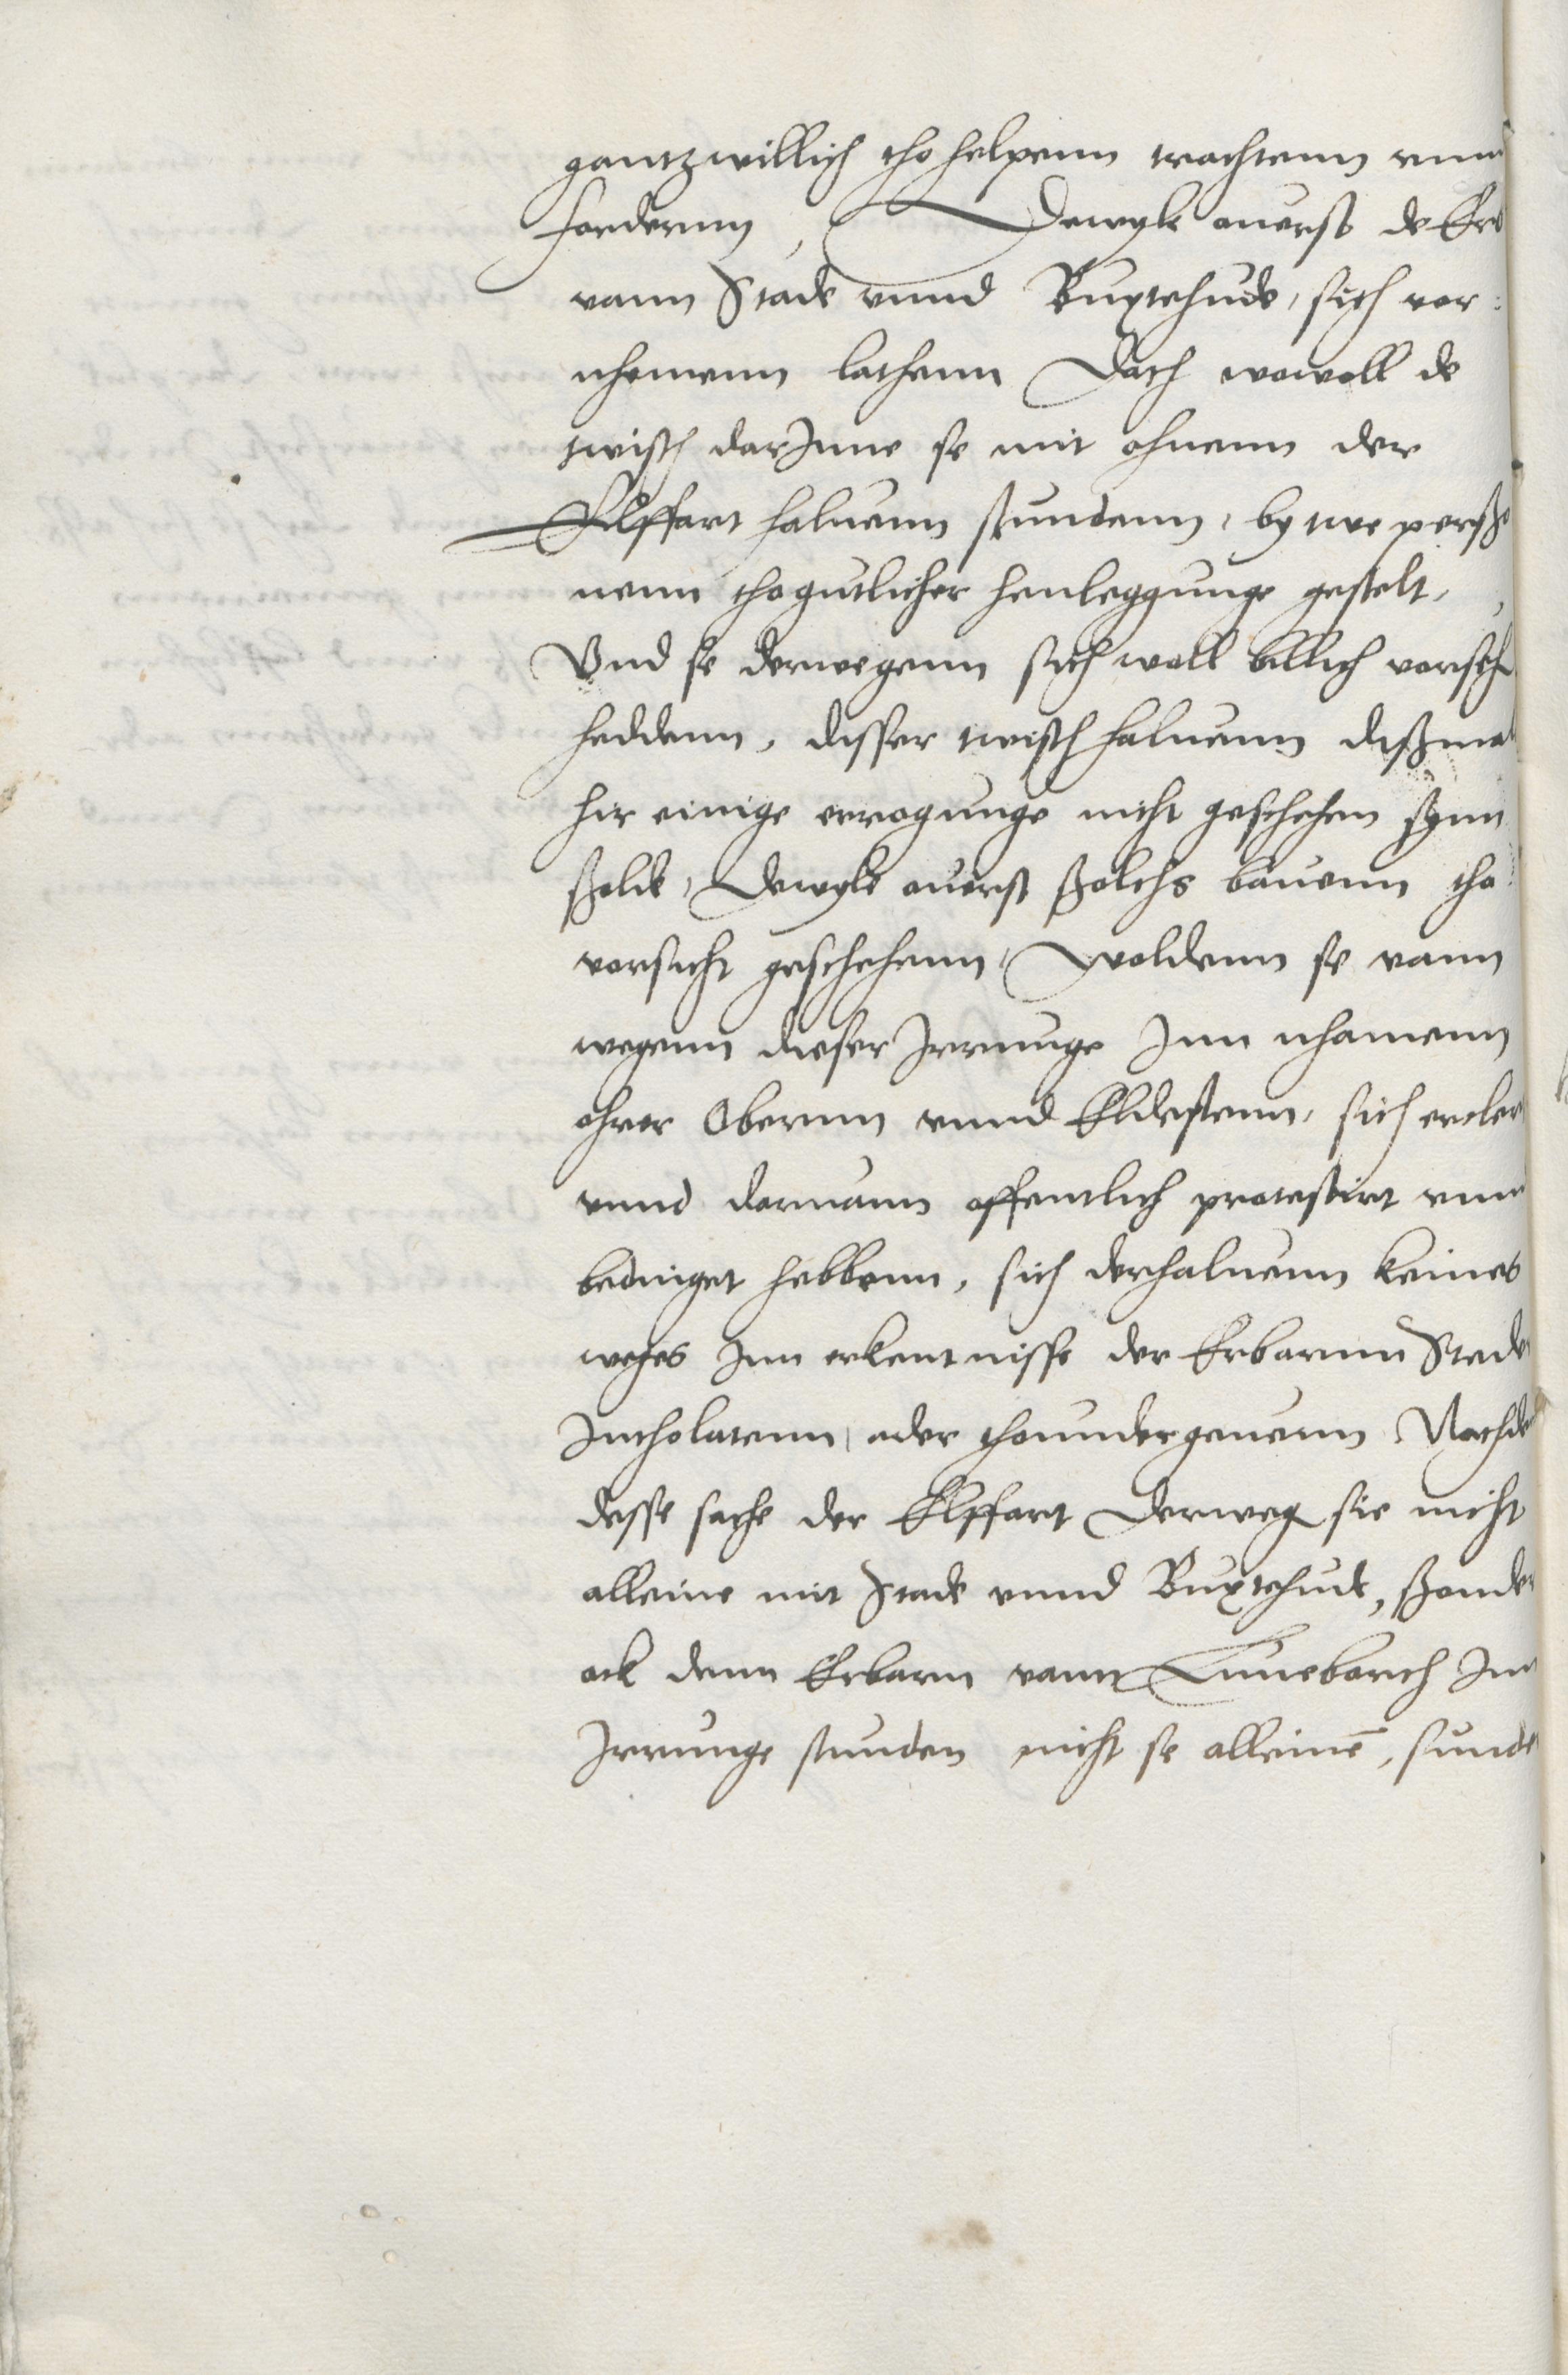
gantzwillich tho helpenn trachtenn vnnd
Fordernn, Dewyle ouerst de Erb
vann Stade vnnd Buxtehude, sich vor¬
nhemenn lathenn Dath wowoll de
twisth darjnne se mit ohnenn der
Elffart haluenn stundenn, by twe perßo¬
nenn tho gutlicher henleggunge gestelt,
Vnd se derwegenn sich woll billich vorsehen
heddenn, disser twisth haluenn dißmall
hir einige errogunge nicht geschehen synn
ßolde, Dewyle ouerst ßolchs bauenn tho
vorsicht geschehenn, Woldenn se vann
wegenn dieser jrrunge jnn nhamenn
ohrer Obernn vnnd Eldestenn, sich ercler
vnnd daruann offentlich protestirt vnnd
bedinget hebbenn, sich derhaluenn keines
weges jnn erkentnisse der Erbarnn Steden
jntholatenn, ader thoundergeuenn Nachde
desse sache der Elffart Derwegen sie nicht
alleine mit Stade vnnd Buxtehude, ßonder
ock denn Erbarn vann Luneborch jnn
jrrunge stunden nicht se alleinen, sunder
